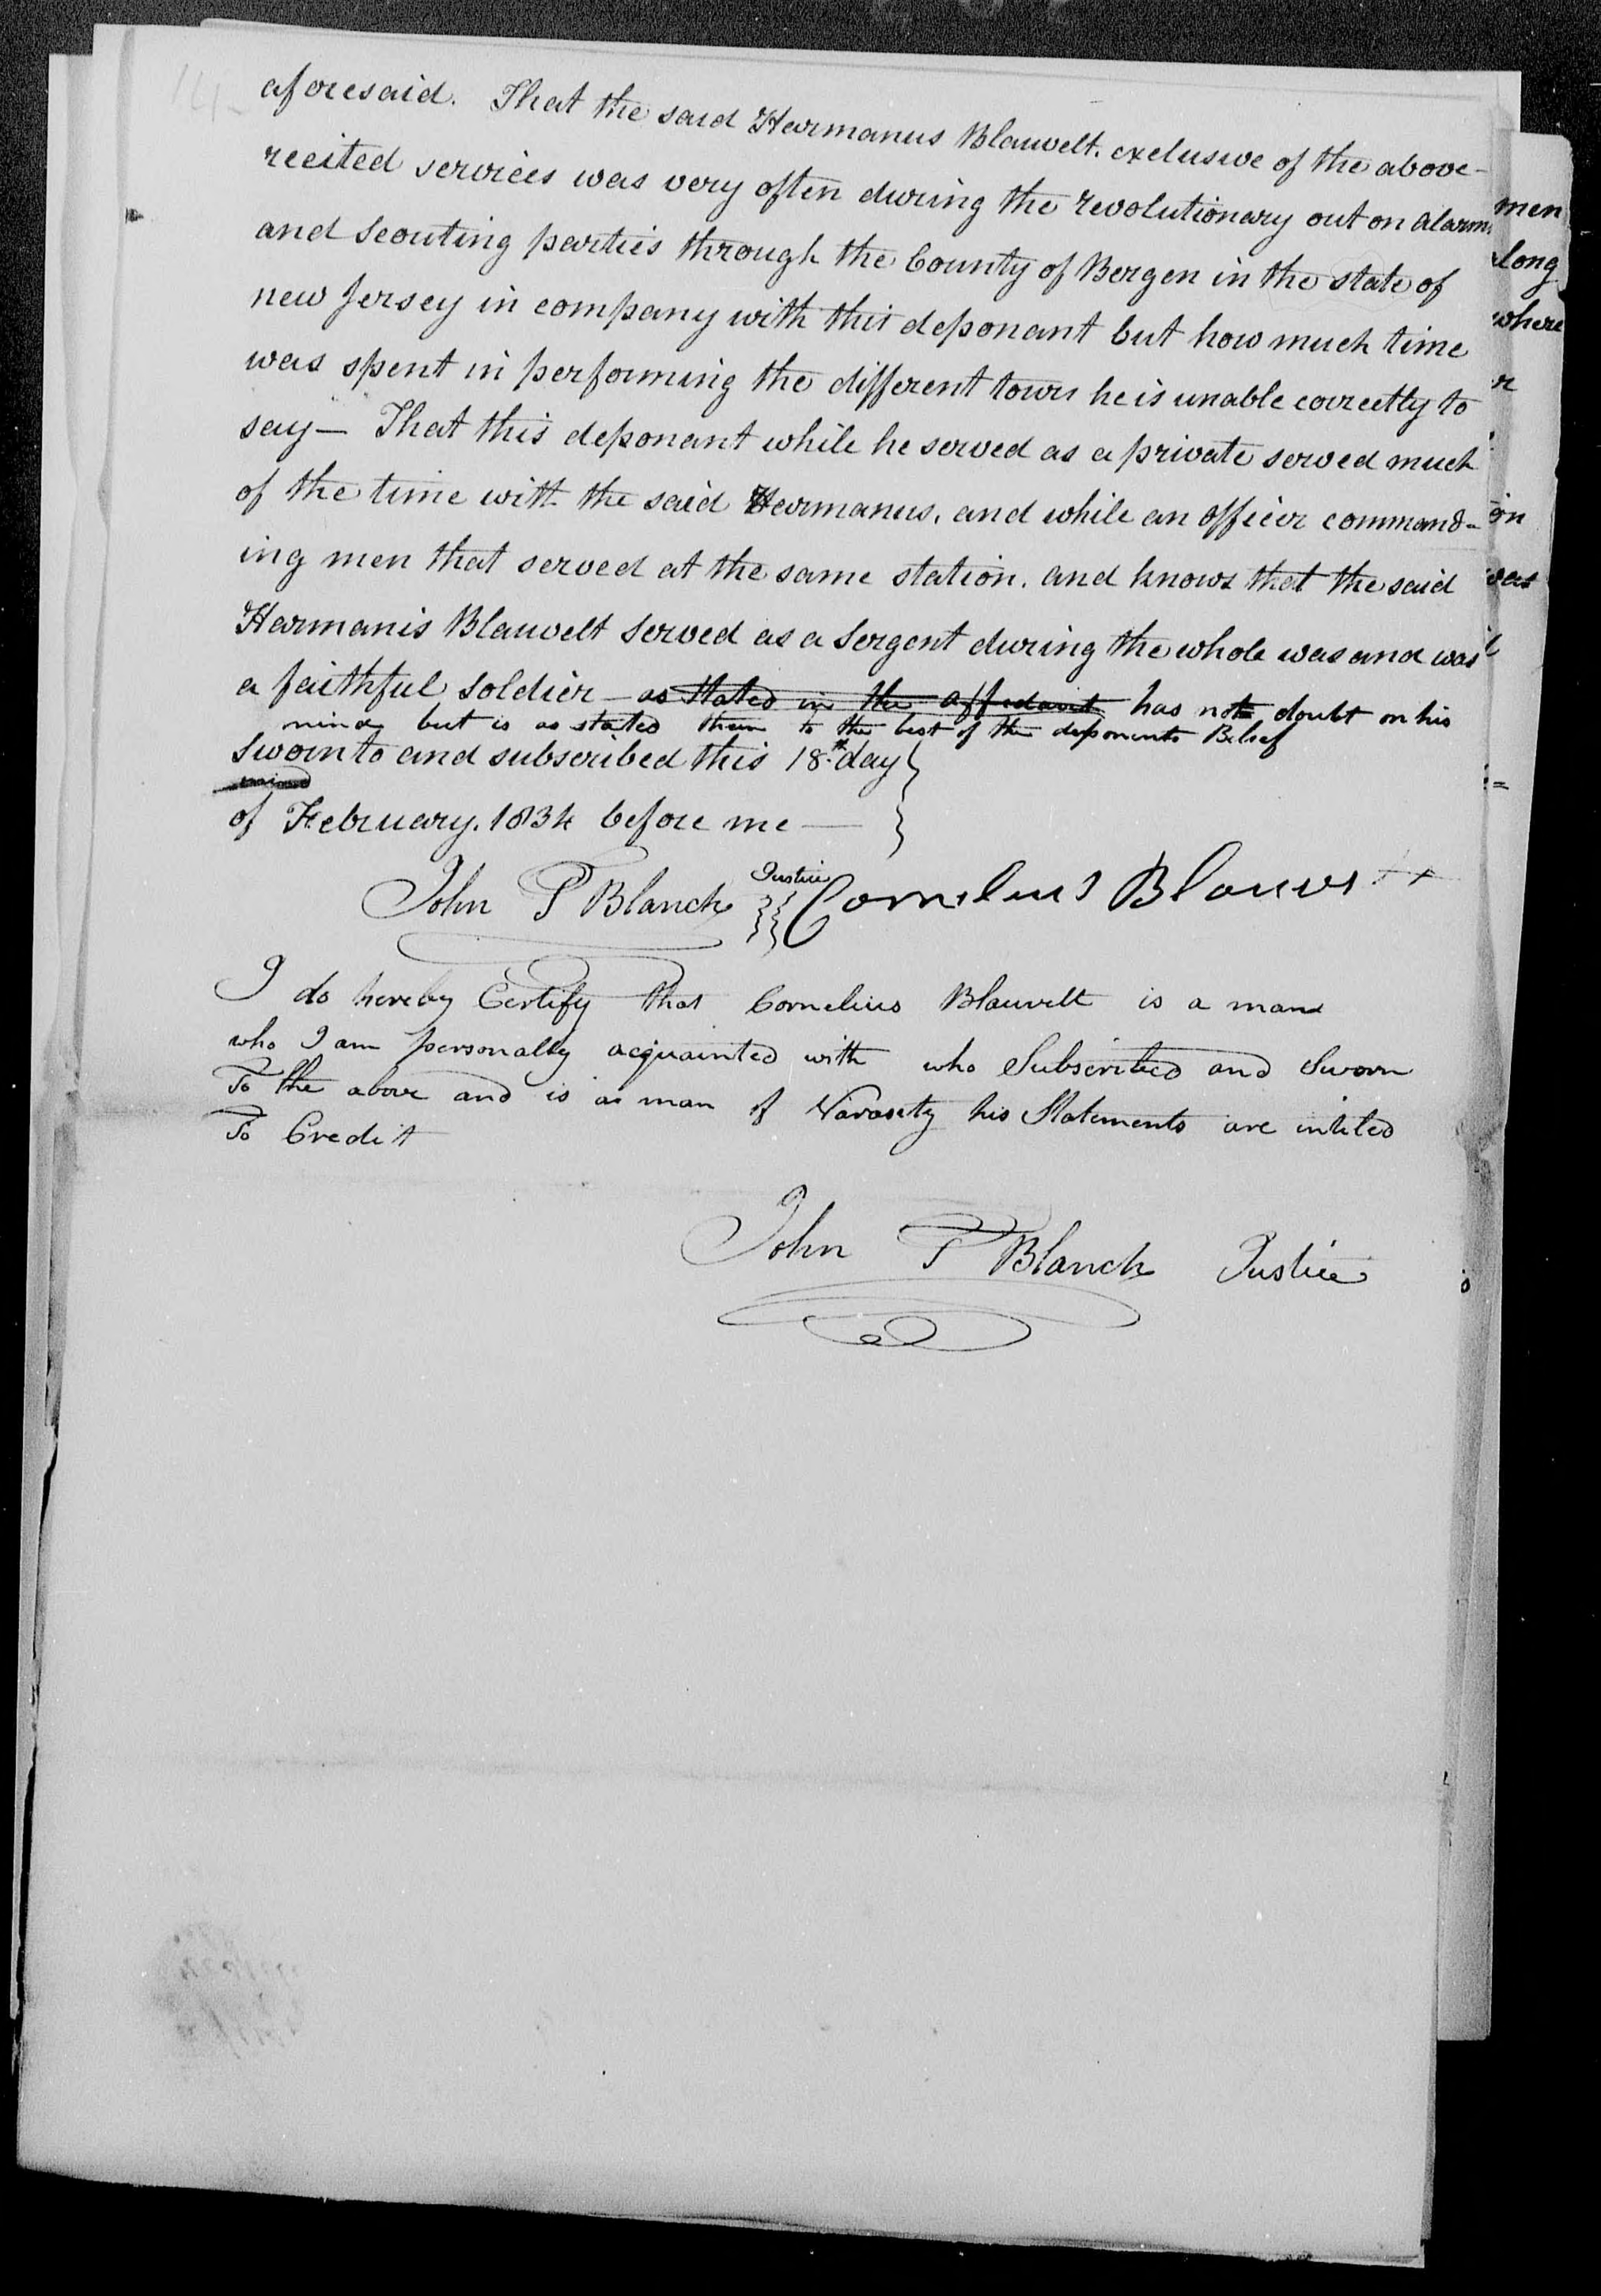aforesaid. That the said Harmanus Blauvelt, exclusive of the above-recited services was very often during the revolutionary out on alarm and scouting parties through the County of Bergen in the state of New Jersey in company with this deponent but how much time was spent in performing the different tours he is unable correctly to say. That this deponent while he served as a private served much of the time with the said Harmanus, and while an officer commanding men that served at the same station, and knows that the said Harmanis Blauvelt served as a Sergeant during the whole was and was a faithful soldier [as stated in the affidavit, crossed out] has no doubt on his mind but is as stated than to the best of the deponents Belief
[signed] Cornelius Blauvelt
Sworn to and subscribed this 18th day of February, 1834 before me [signed] John T Blanch Justice

I do hereby certify that Cornelius Blauvelt is a man who I am personally acquainted with who Subscribed and Sworn to the above and is a man of Veracity his Statements are entitled to Credit [signed] John T Blanch  Justice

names: John T Blanch, Harmanis Blauvelt, Cornelius Blauvelt, Harmanus, Harmanus Blauvelt, John T Blanch, Cornelius Blauvelt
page: 30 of 33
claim: survivor's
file: S. 22,653, Harmanus Blauvelt, New York